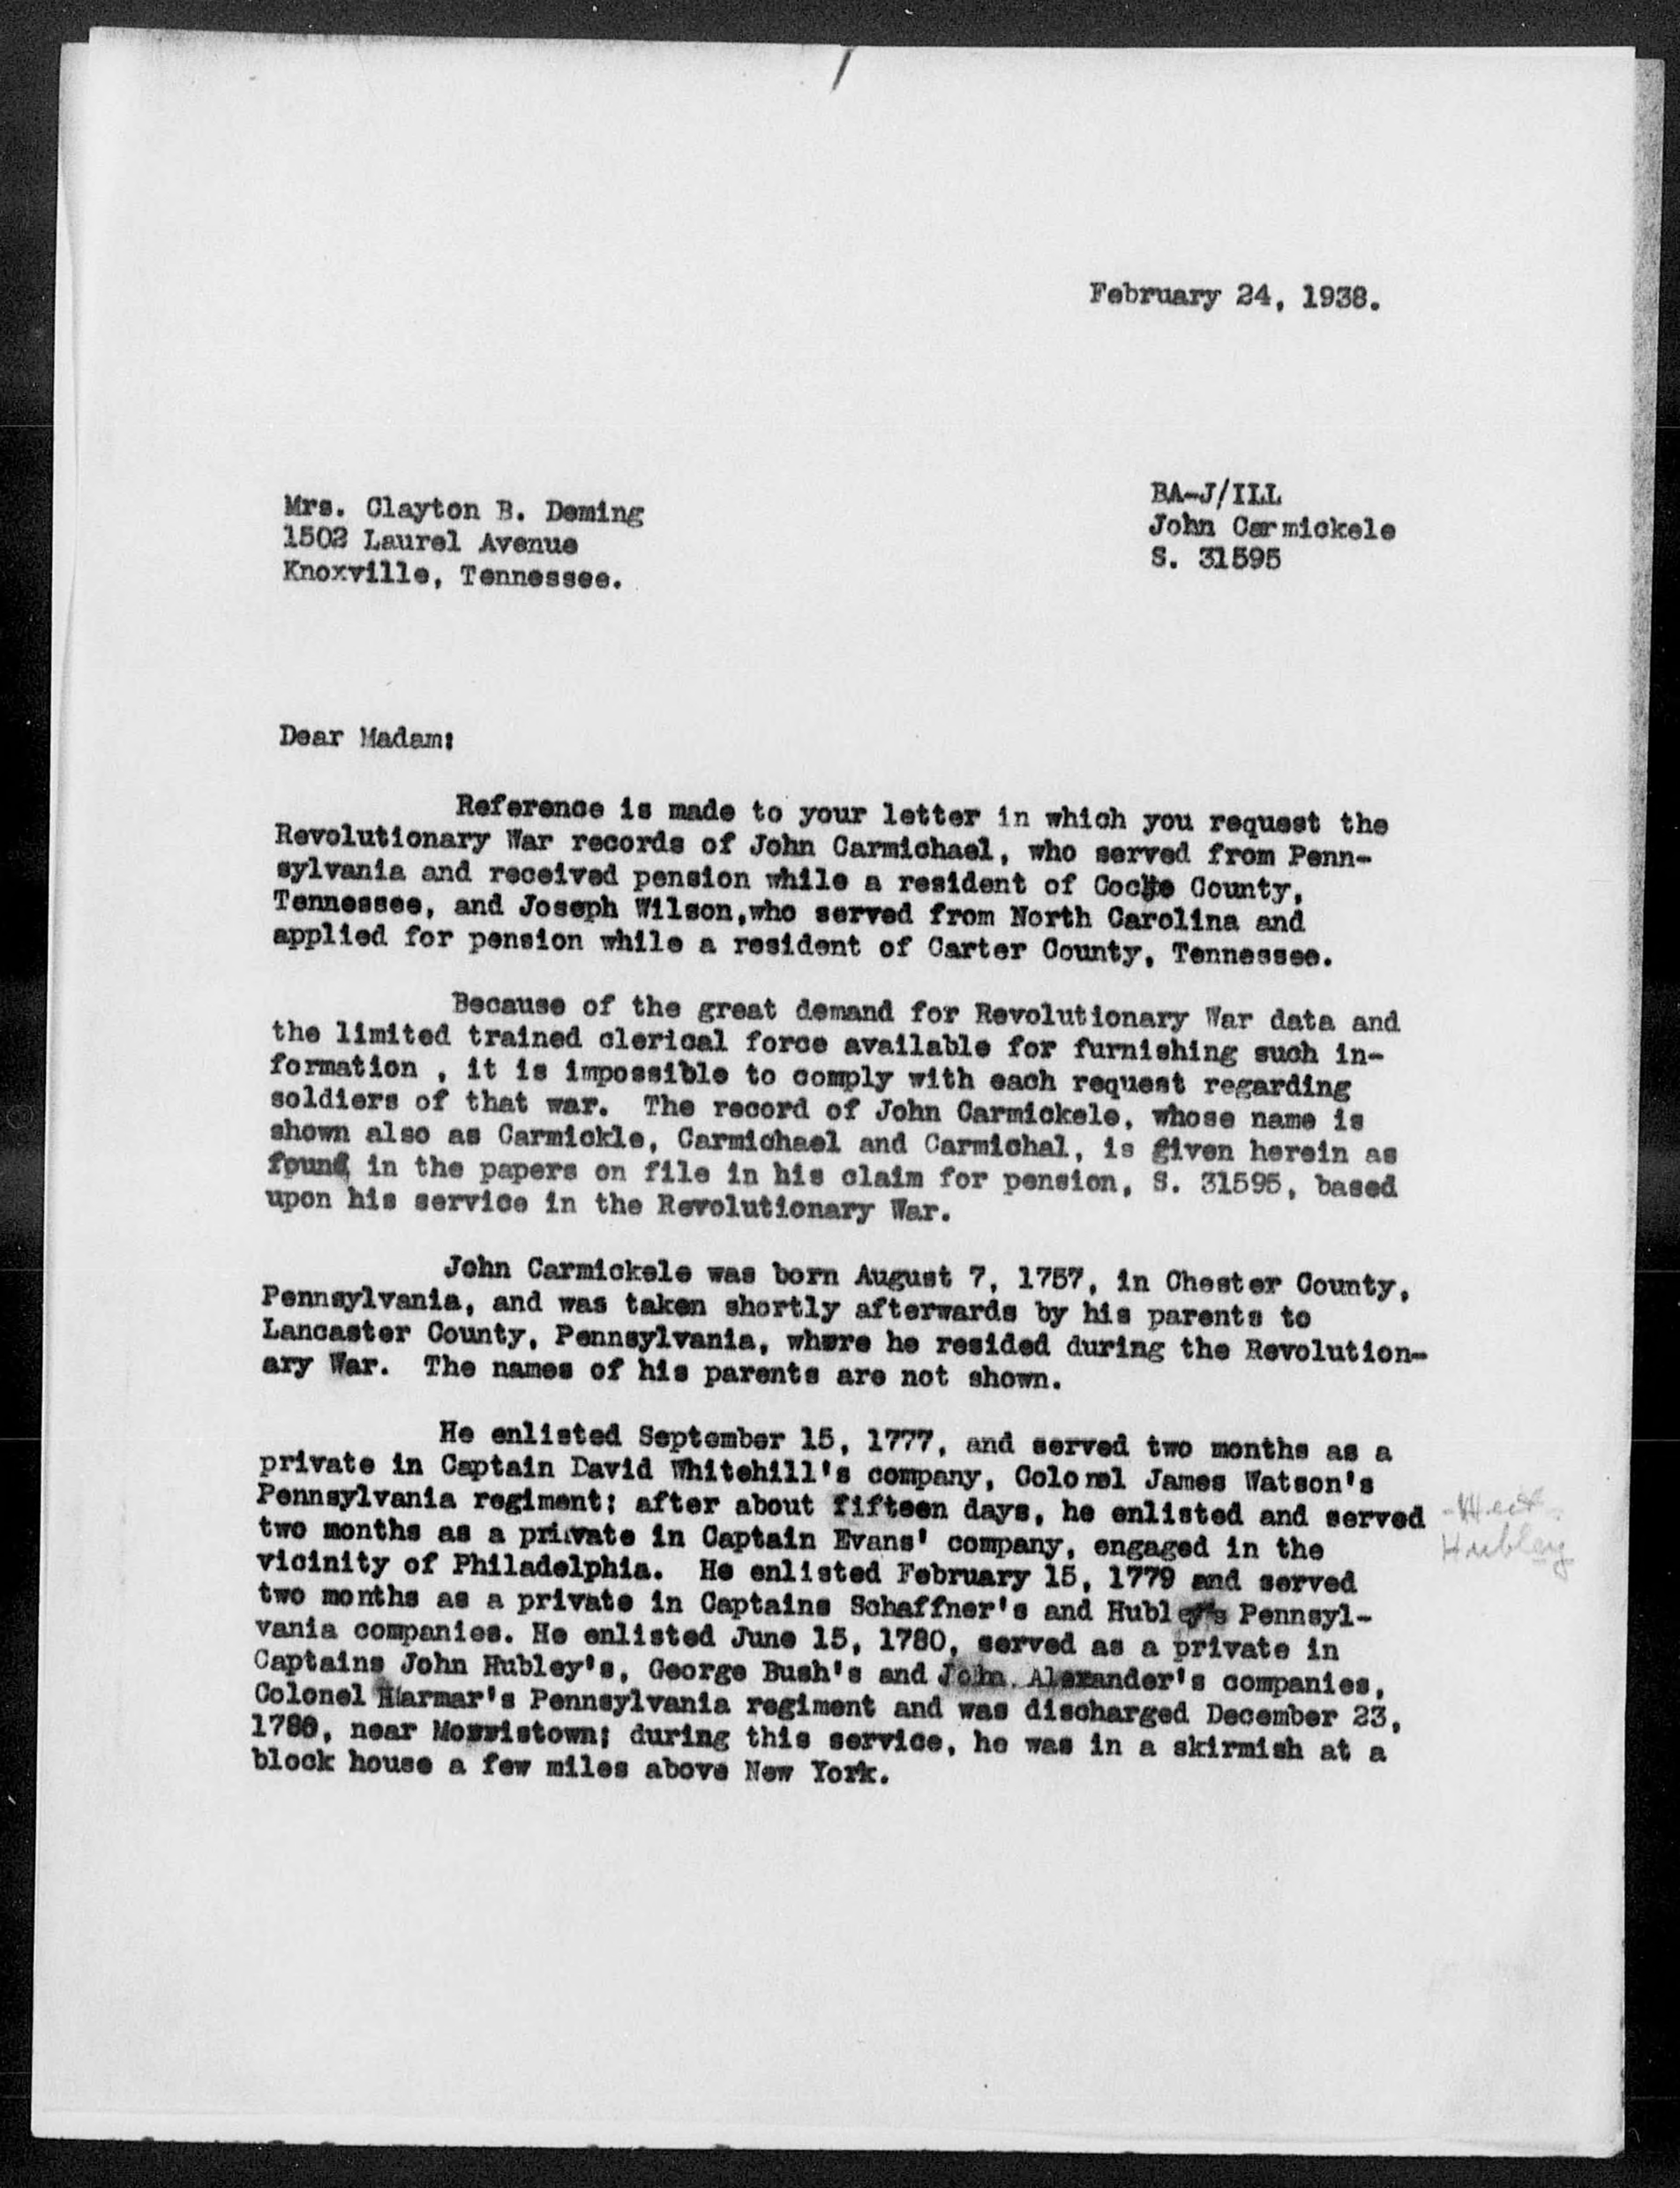February 24, 1938.
Mrs. Clayton B. Deming
1502 Laurel Avenue
Knoxville, Tennessee.

BA-J/ILL
John Carmickele
S. 31595

Dear Madam:
Reference is made to your letter in which you request the Revolutionary War records of John Carmichael, who served from Pennsylvania and received pension while a resident of Cocke County, Tennessee, and Joseph Wilson, who served from North Carolina and applied for pension while a resident of Carter County, Tennessee.
Because of the great demand for Revolutionary War data and the limited trained clerical force available for furnishing such information, it is impossible to comply with each request regarding soldiers of that war. The record of John Carmickele, whose name is shown also as Carmickle, Carmichael and Carmichal, is given herein as found in the papers on file in his claim for pension, S. 31595, based upon his service in the Revolutionary War.
John Carmickele was born August 7, 1757, in Chester County, Pennsylvania, and was taken shortly afterwards by his parents to
Lancaster County, Pennsylvania, where he resided during the Revolutionary War. The names of his parents are not shown.
He enlisted September 15, 1777, and served two months as a private in Captain David Whitehill's company, Colonel James Watson's
Pennsylvania regiment; after about fifteen days, he enlisted and served two months as a private in Captain Evans' company, engaged in the vicinity of Philadelphia. He enlisted February 15, 1779 and served two months as a private in Captains Schaffner's and Hubley's Pennsylvania companies. He enlisted June 15, 1780, served as a private in Captains John Hubley's, George Bush's and John Alexander's companies, Colonel Harmar's Pennsylvania regiment and was discharged December 23,
1780, near Morristown; during this service, he was in a skirmish at a block house a few miles above New York.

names: Carmickle, John Carmichael, John Carmickele, Carmichael, Carmichal, Clayton B Deming, Joseph Wilson, John Carmickele, John Carmickele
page: 38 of 42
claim: survivor's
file: S. 31,595, John Carmickele, Penn.